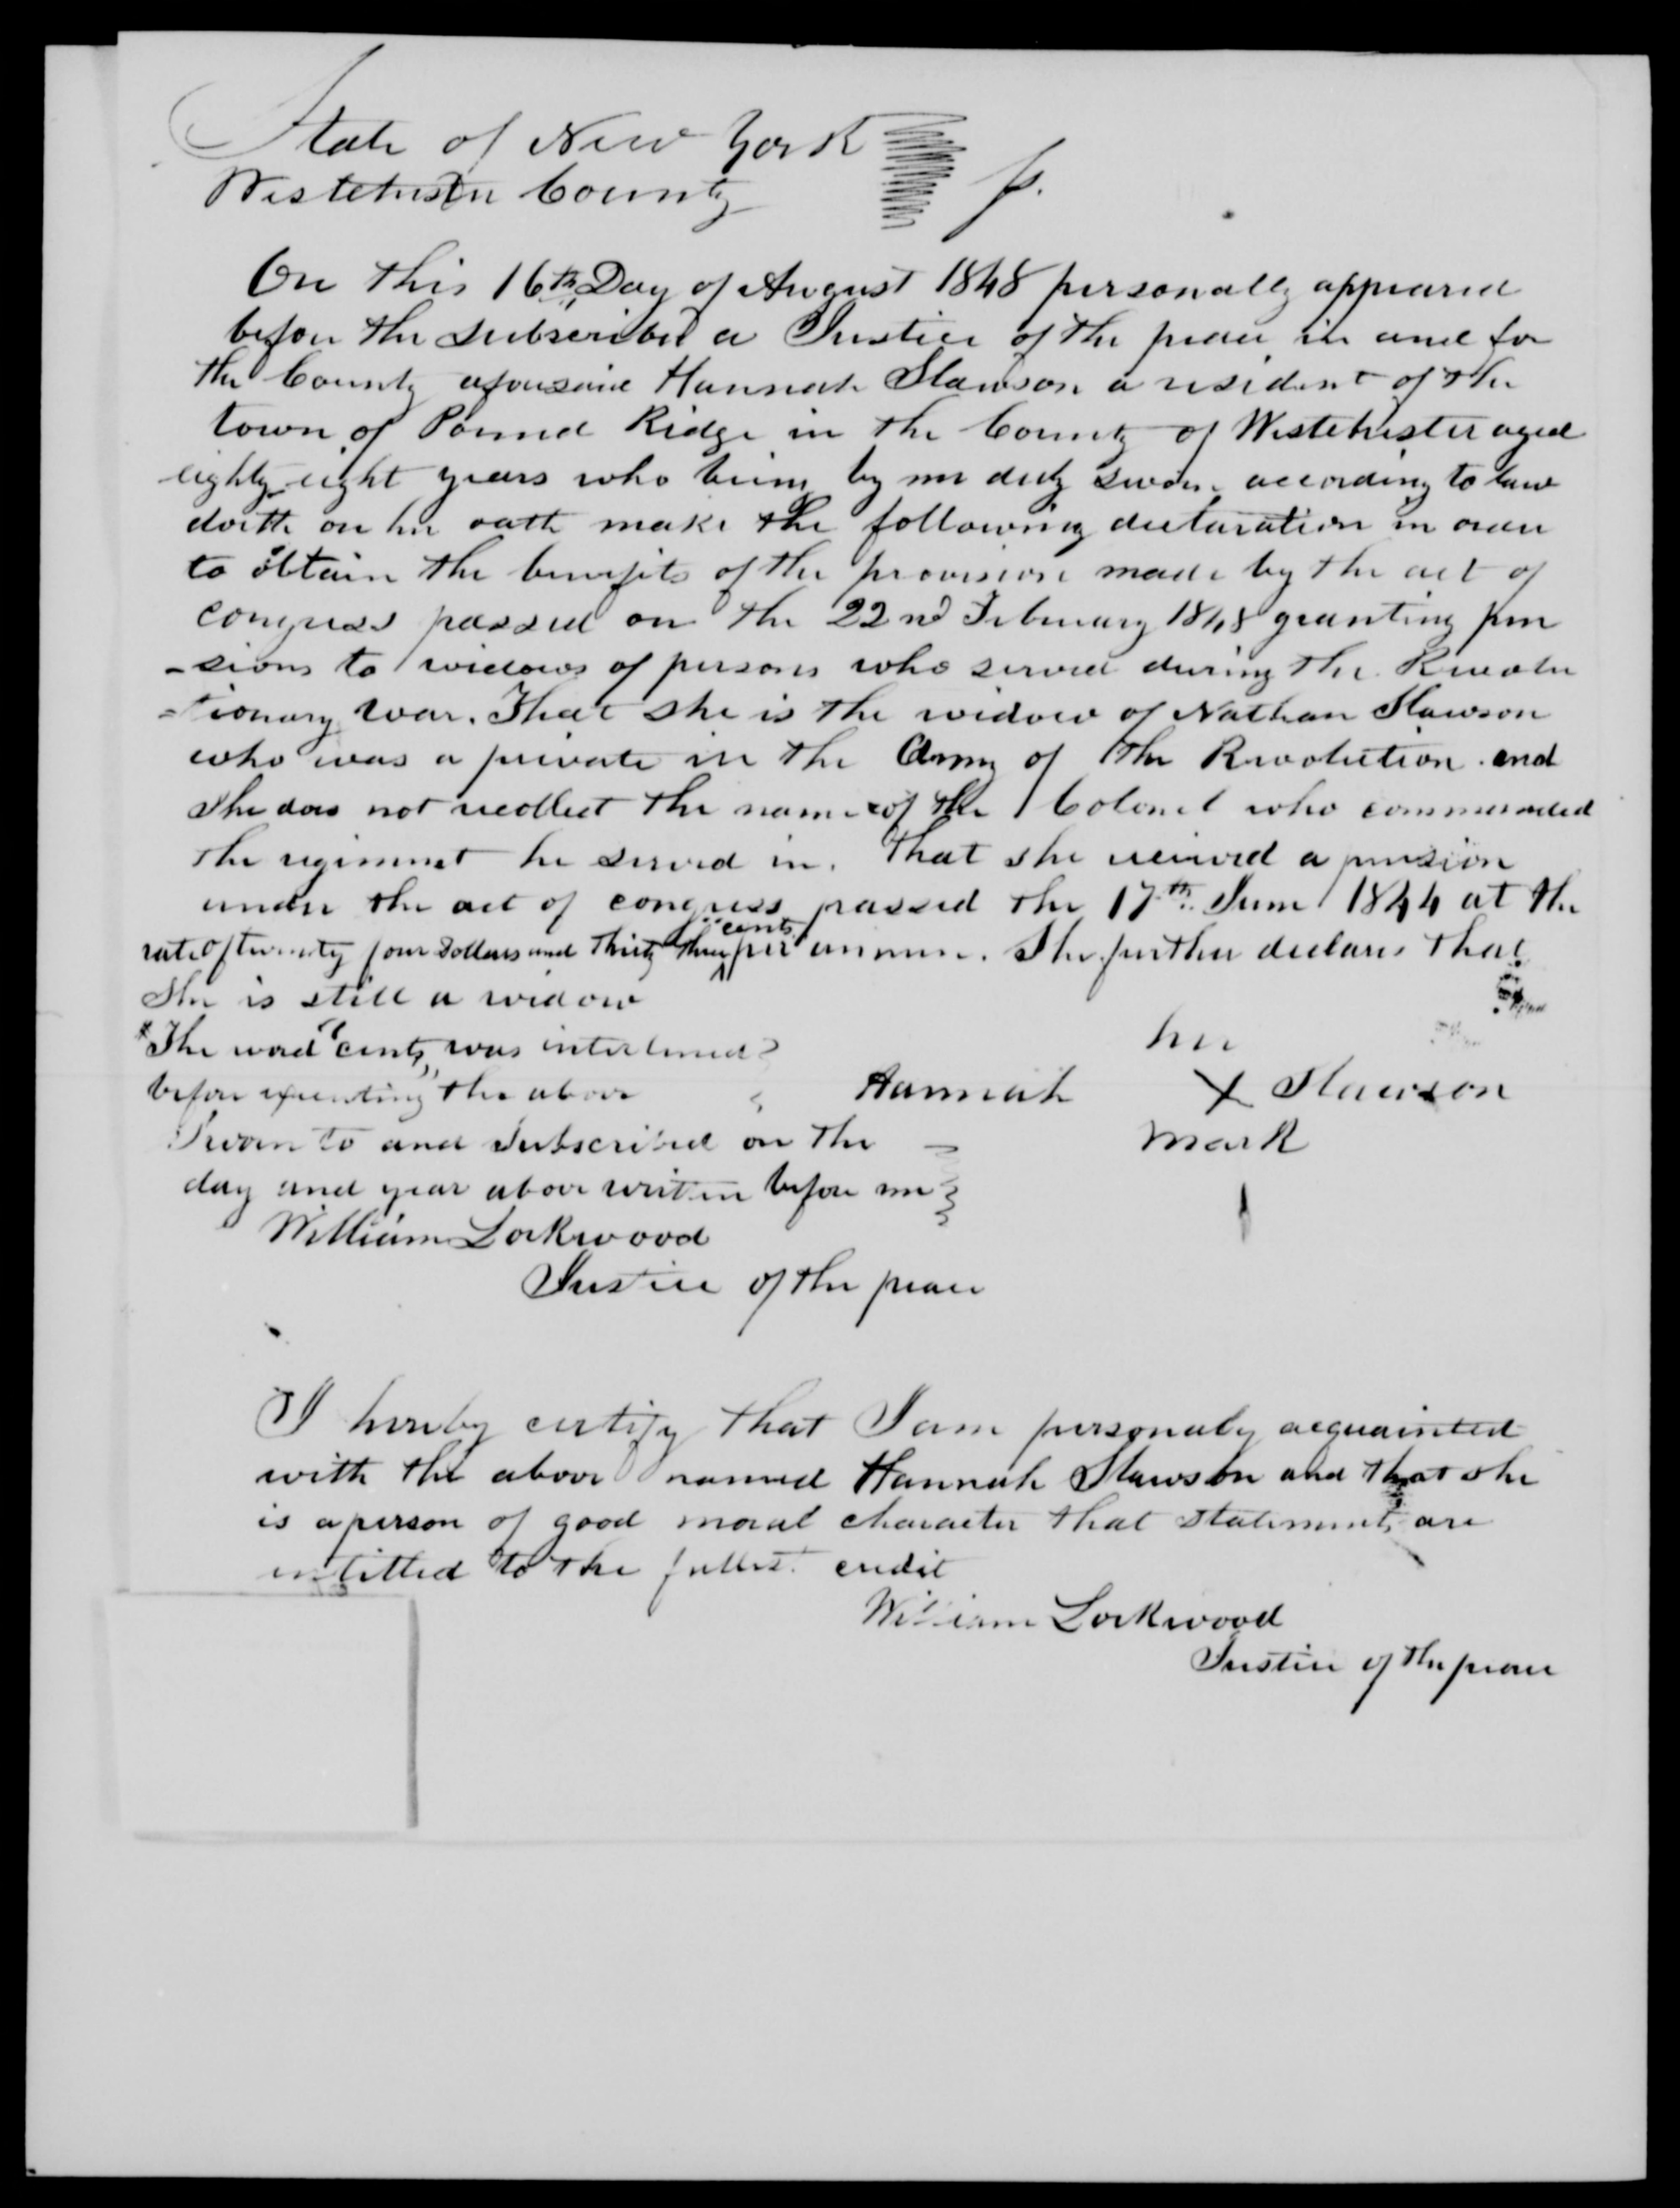State of New York 
Westchester County} ss On this 16th day of August 1848 personally appeared before the subscriber a Justice of the peace in and for the County aforesaid Hannah Slawson a resident of the town of Pound Ridge in the County of Westchester aged eighty eight years who being by me duly sworn according to law doth on her oath make the following declaration in order to obtain the benefits of the provision made by the act of Congress passed on the 22nd February 1848 granting pensions to widows of persons who served during the Revolutionary war. That she is the widow of Nathan Slawson who was a private in the army of the Revolution and she does not recollect the name of the Colonel who commanded the regiment he served in.  That she received a pension under the act of Congress passed the 17th June 1844 at the rate of twenty four dollars and thirty three cents. She further declares that she is still a widow.   
The word cents was interlined before executing the above 
Hannah Slawson her mark 
Sworn to and subscribed on the day and year above written before me 
William Lockwood 
Justice of the peace  
I hereby certify that I am personally acquainted with the above named Hannah Slawson and that she is a person of good moral character that her statements are entitled to the fullest credit 
William Lockwood Justice of the peace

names: William Lockwood; Hannah Slawson; Nathan Slawson; Hannah Slawson; William Lockwood; Hannah Slawson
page: 67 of 87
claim: widow's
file: W. 22,226, for Nathan Slawson, Connecticut